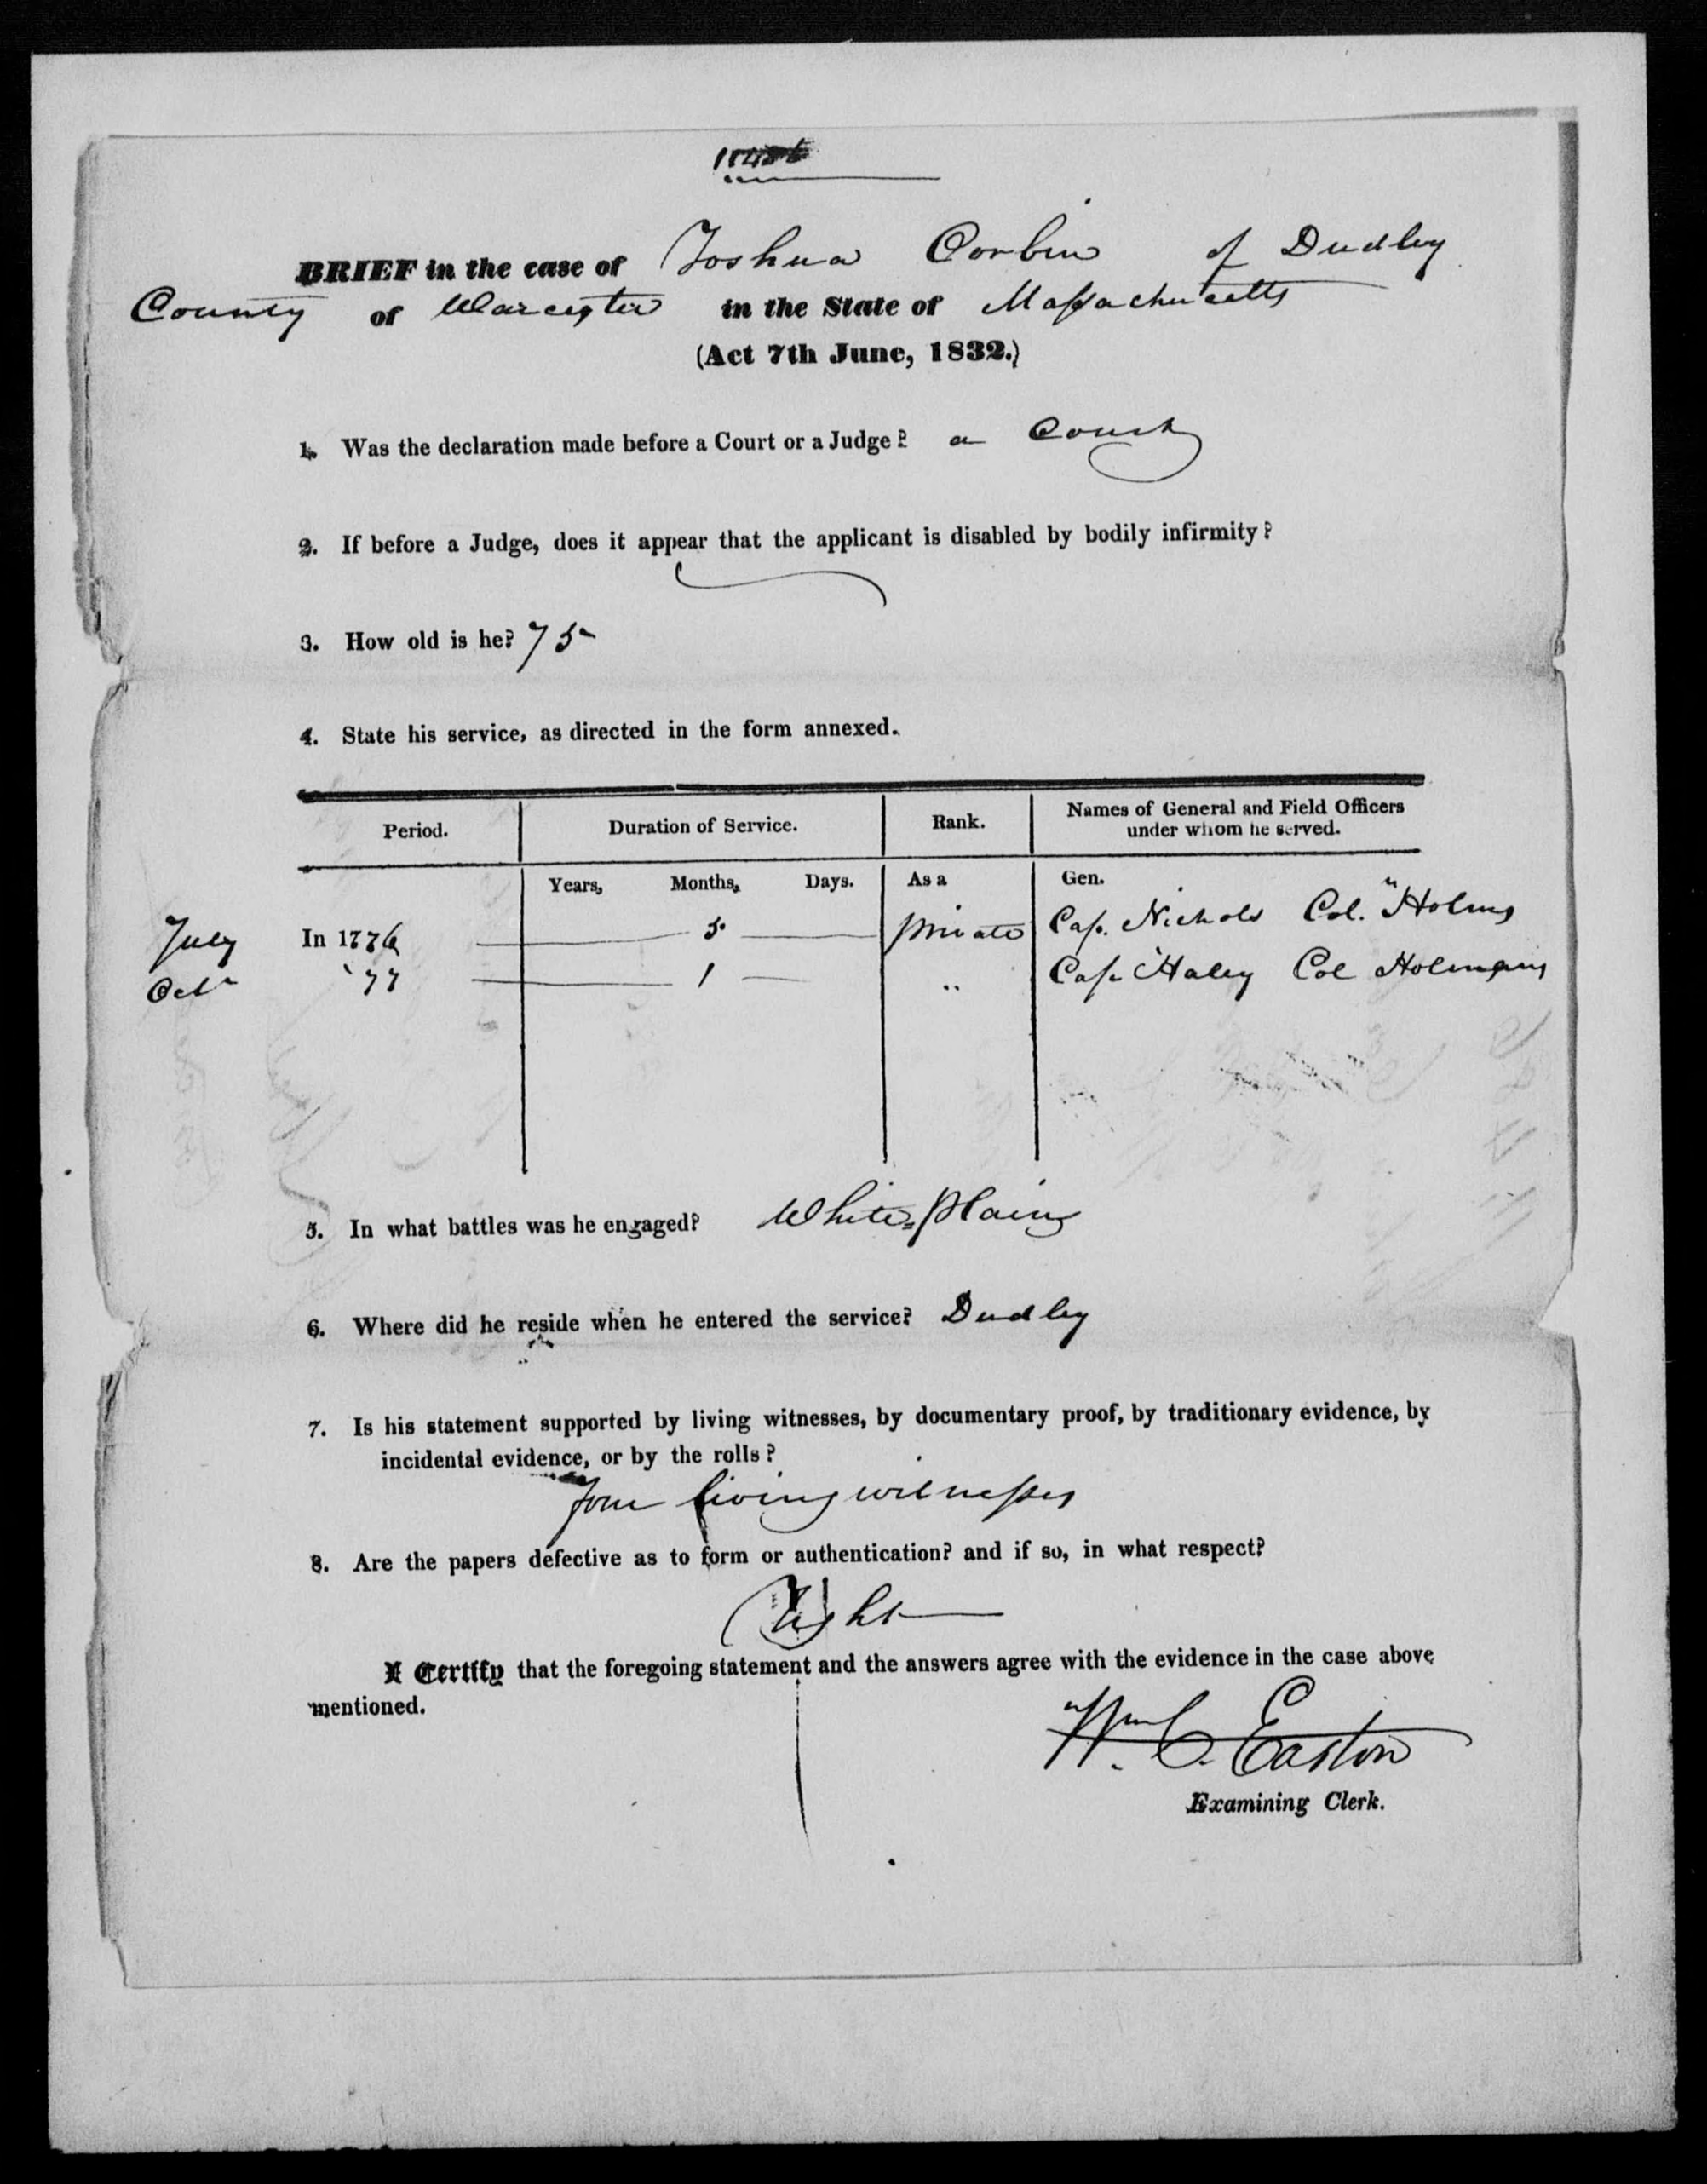11,846
Brief in the case of Joshua Corbin of Dudley County Worcester in the State of Massachusetts
(Act 7th June, 1832.)

1. Was the declaration made before a Court or Judge? a Court

2. If before a Judge, does it appear that the applicant is disabled is disabled by bodily infirmity? (blank)

3. How old is he? 75

4. State his service, as directed in the form annexed.
(table with this information:)
Period - July 1776 and October '77
Duration of Service - 5 mos and one month
Rank - As a private and as a private
Names of General and Field Officers under whom he served - Cap Nichols, Col Holms and Cap Haley, Col Holmans.

5. In what battles was he engaged? White Plains
6. Where did he reside when he entered the service? Dudley
7 Is his statement supported by living witnesses, by documentary proof, by traditionary evidence, by incidental evidence, or by the rolls? four living witnesses
8. Are the papers defective as to a form or authentication? and if so, in what respect? (illegible)

I Certify that the foregoing statement and the answers agree with the evidence in the case above mentioned.
William C. Easton
Examining Clerk.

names: Nichols, Wm C Easton, Joshua Corbin, Haley, Holms, Holmans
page: 7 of 34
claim: survivor's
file: S. 12581, Joshua Corbin, Mass.